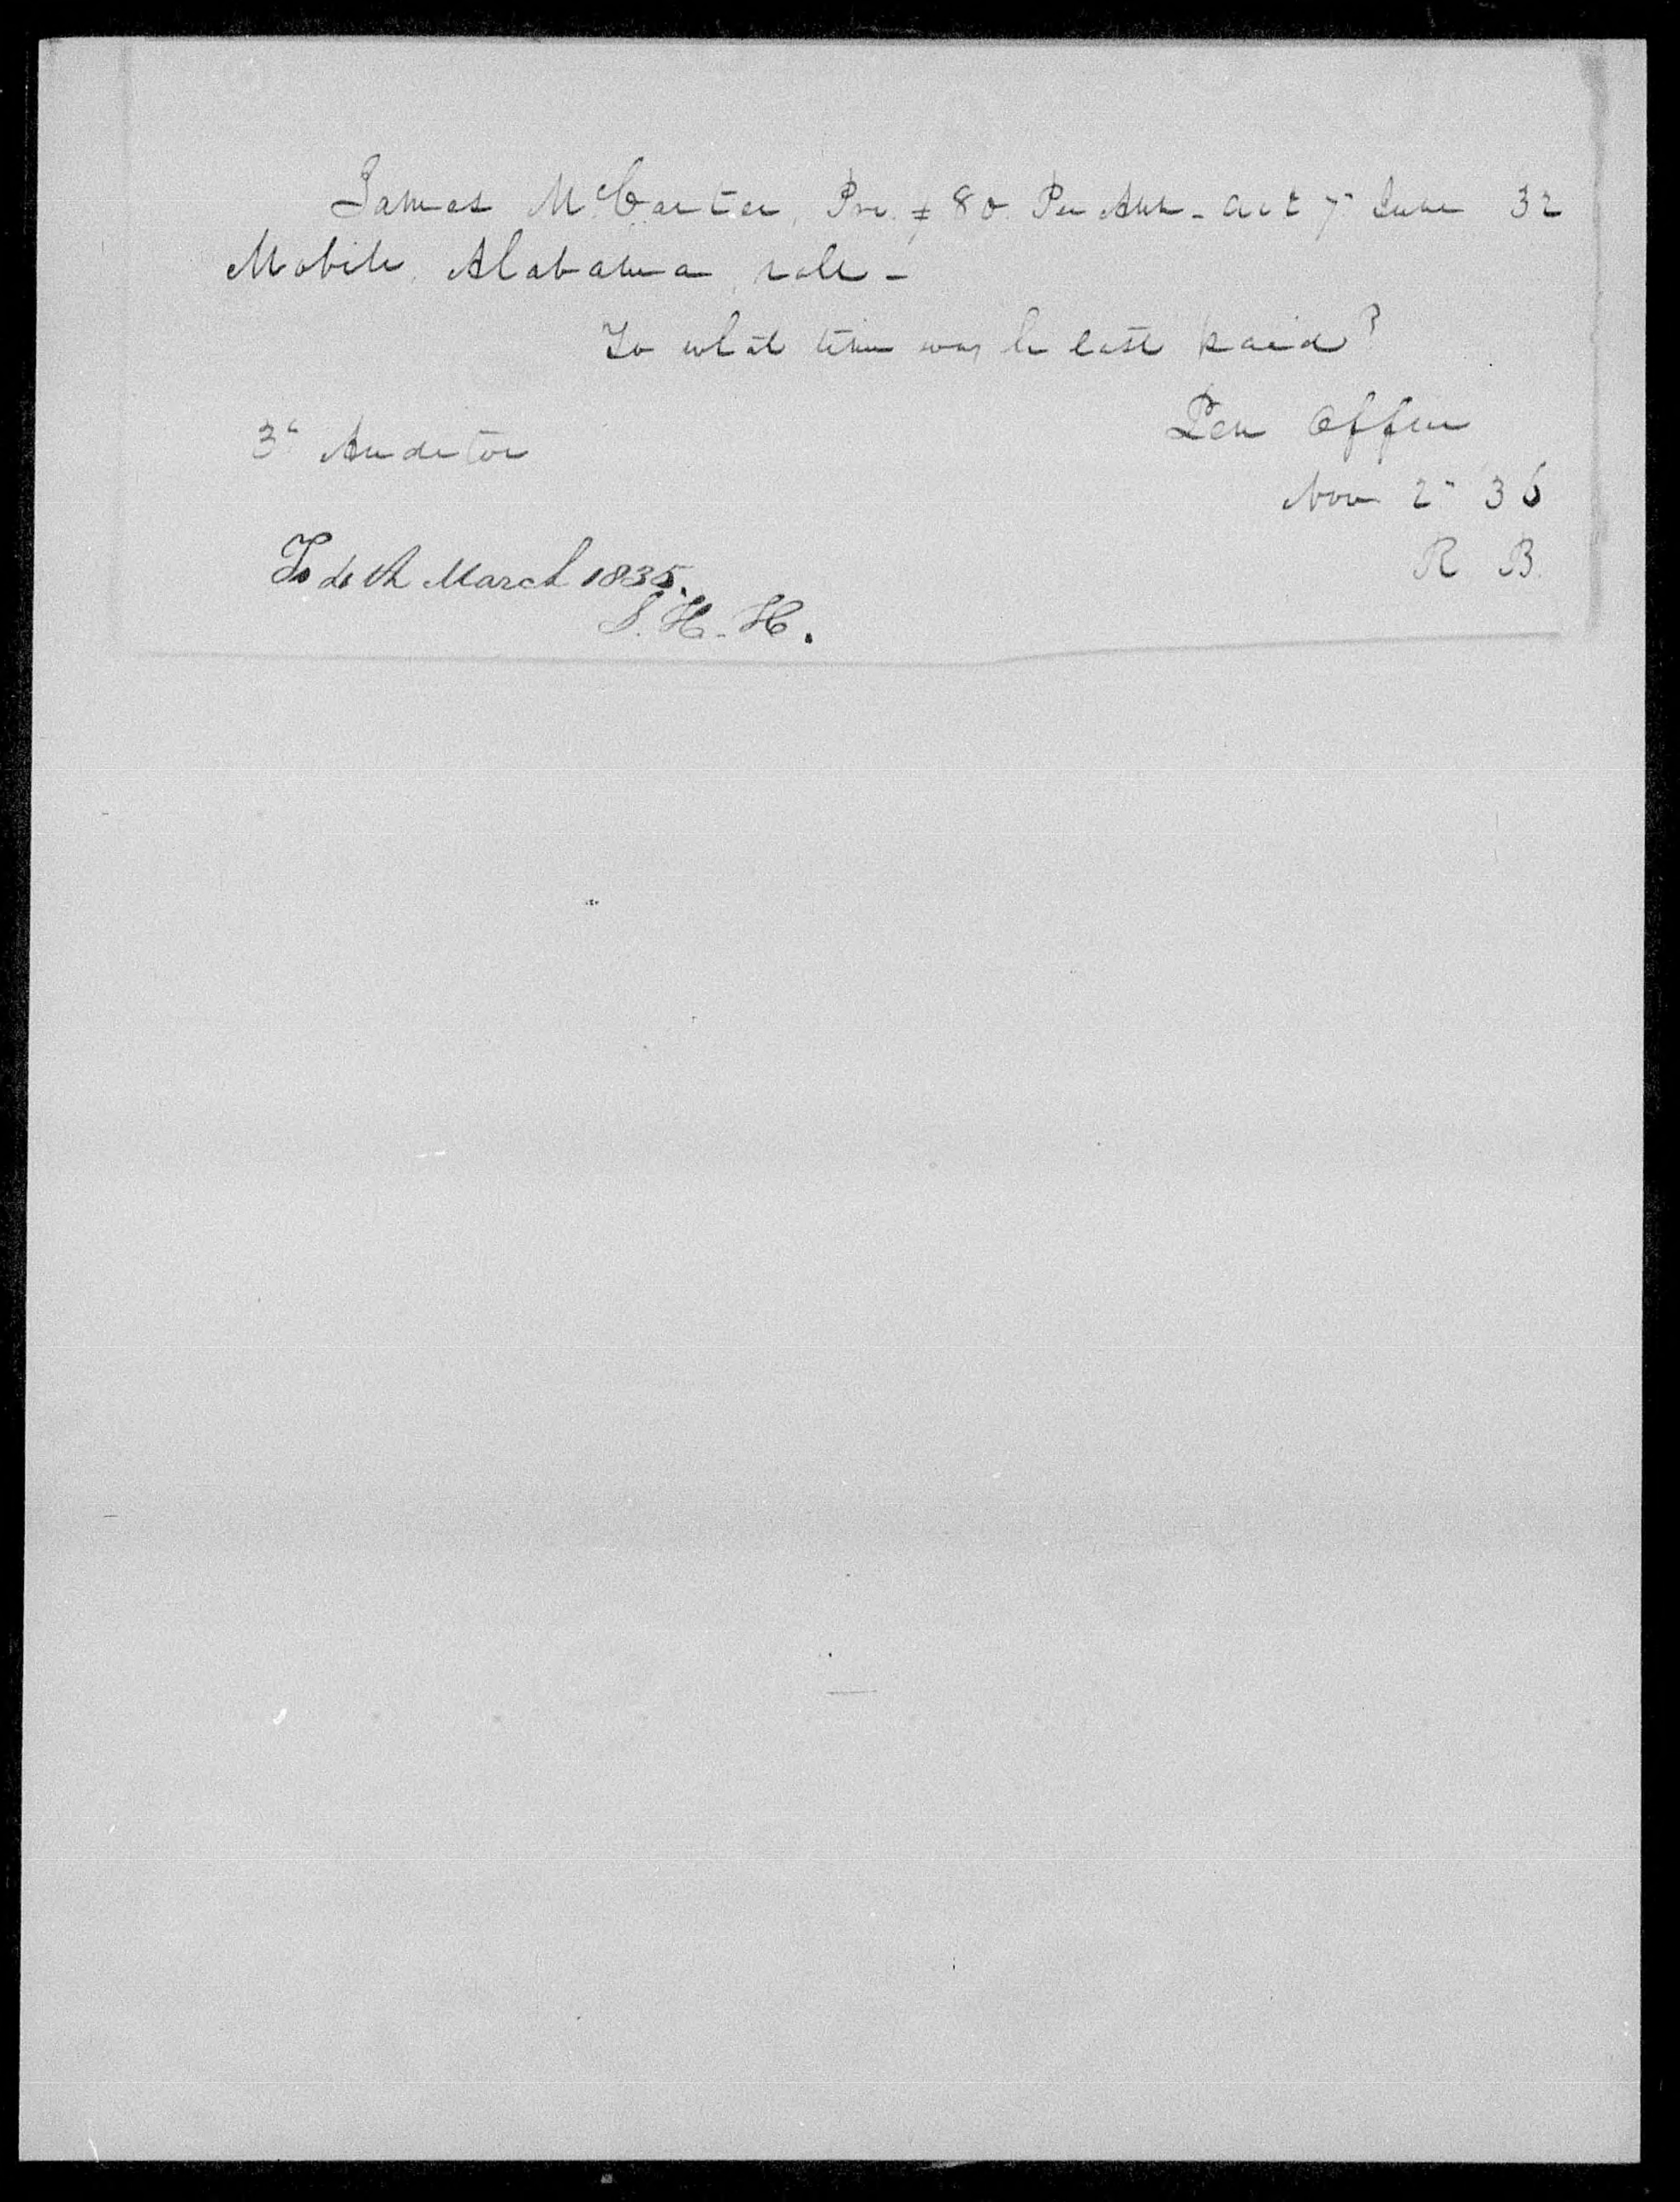James McCarter, Pri. $80 per Ann- Act 7 June 32
Mobile Alabama roll-
To what time was he last paid?
Pen Office
Nov 2-36
R. B.

3d Auditor
To death March 1835.
S.H.H.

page: 13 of 45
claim: survivor's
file: S. 13,890, for James Mc Carter, South Carolina